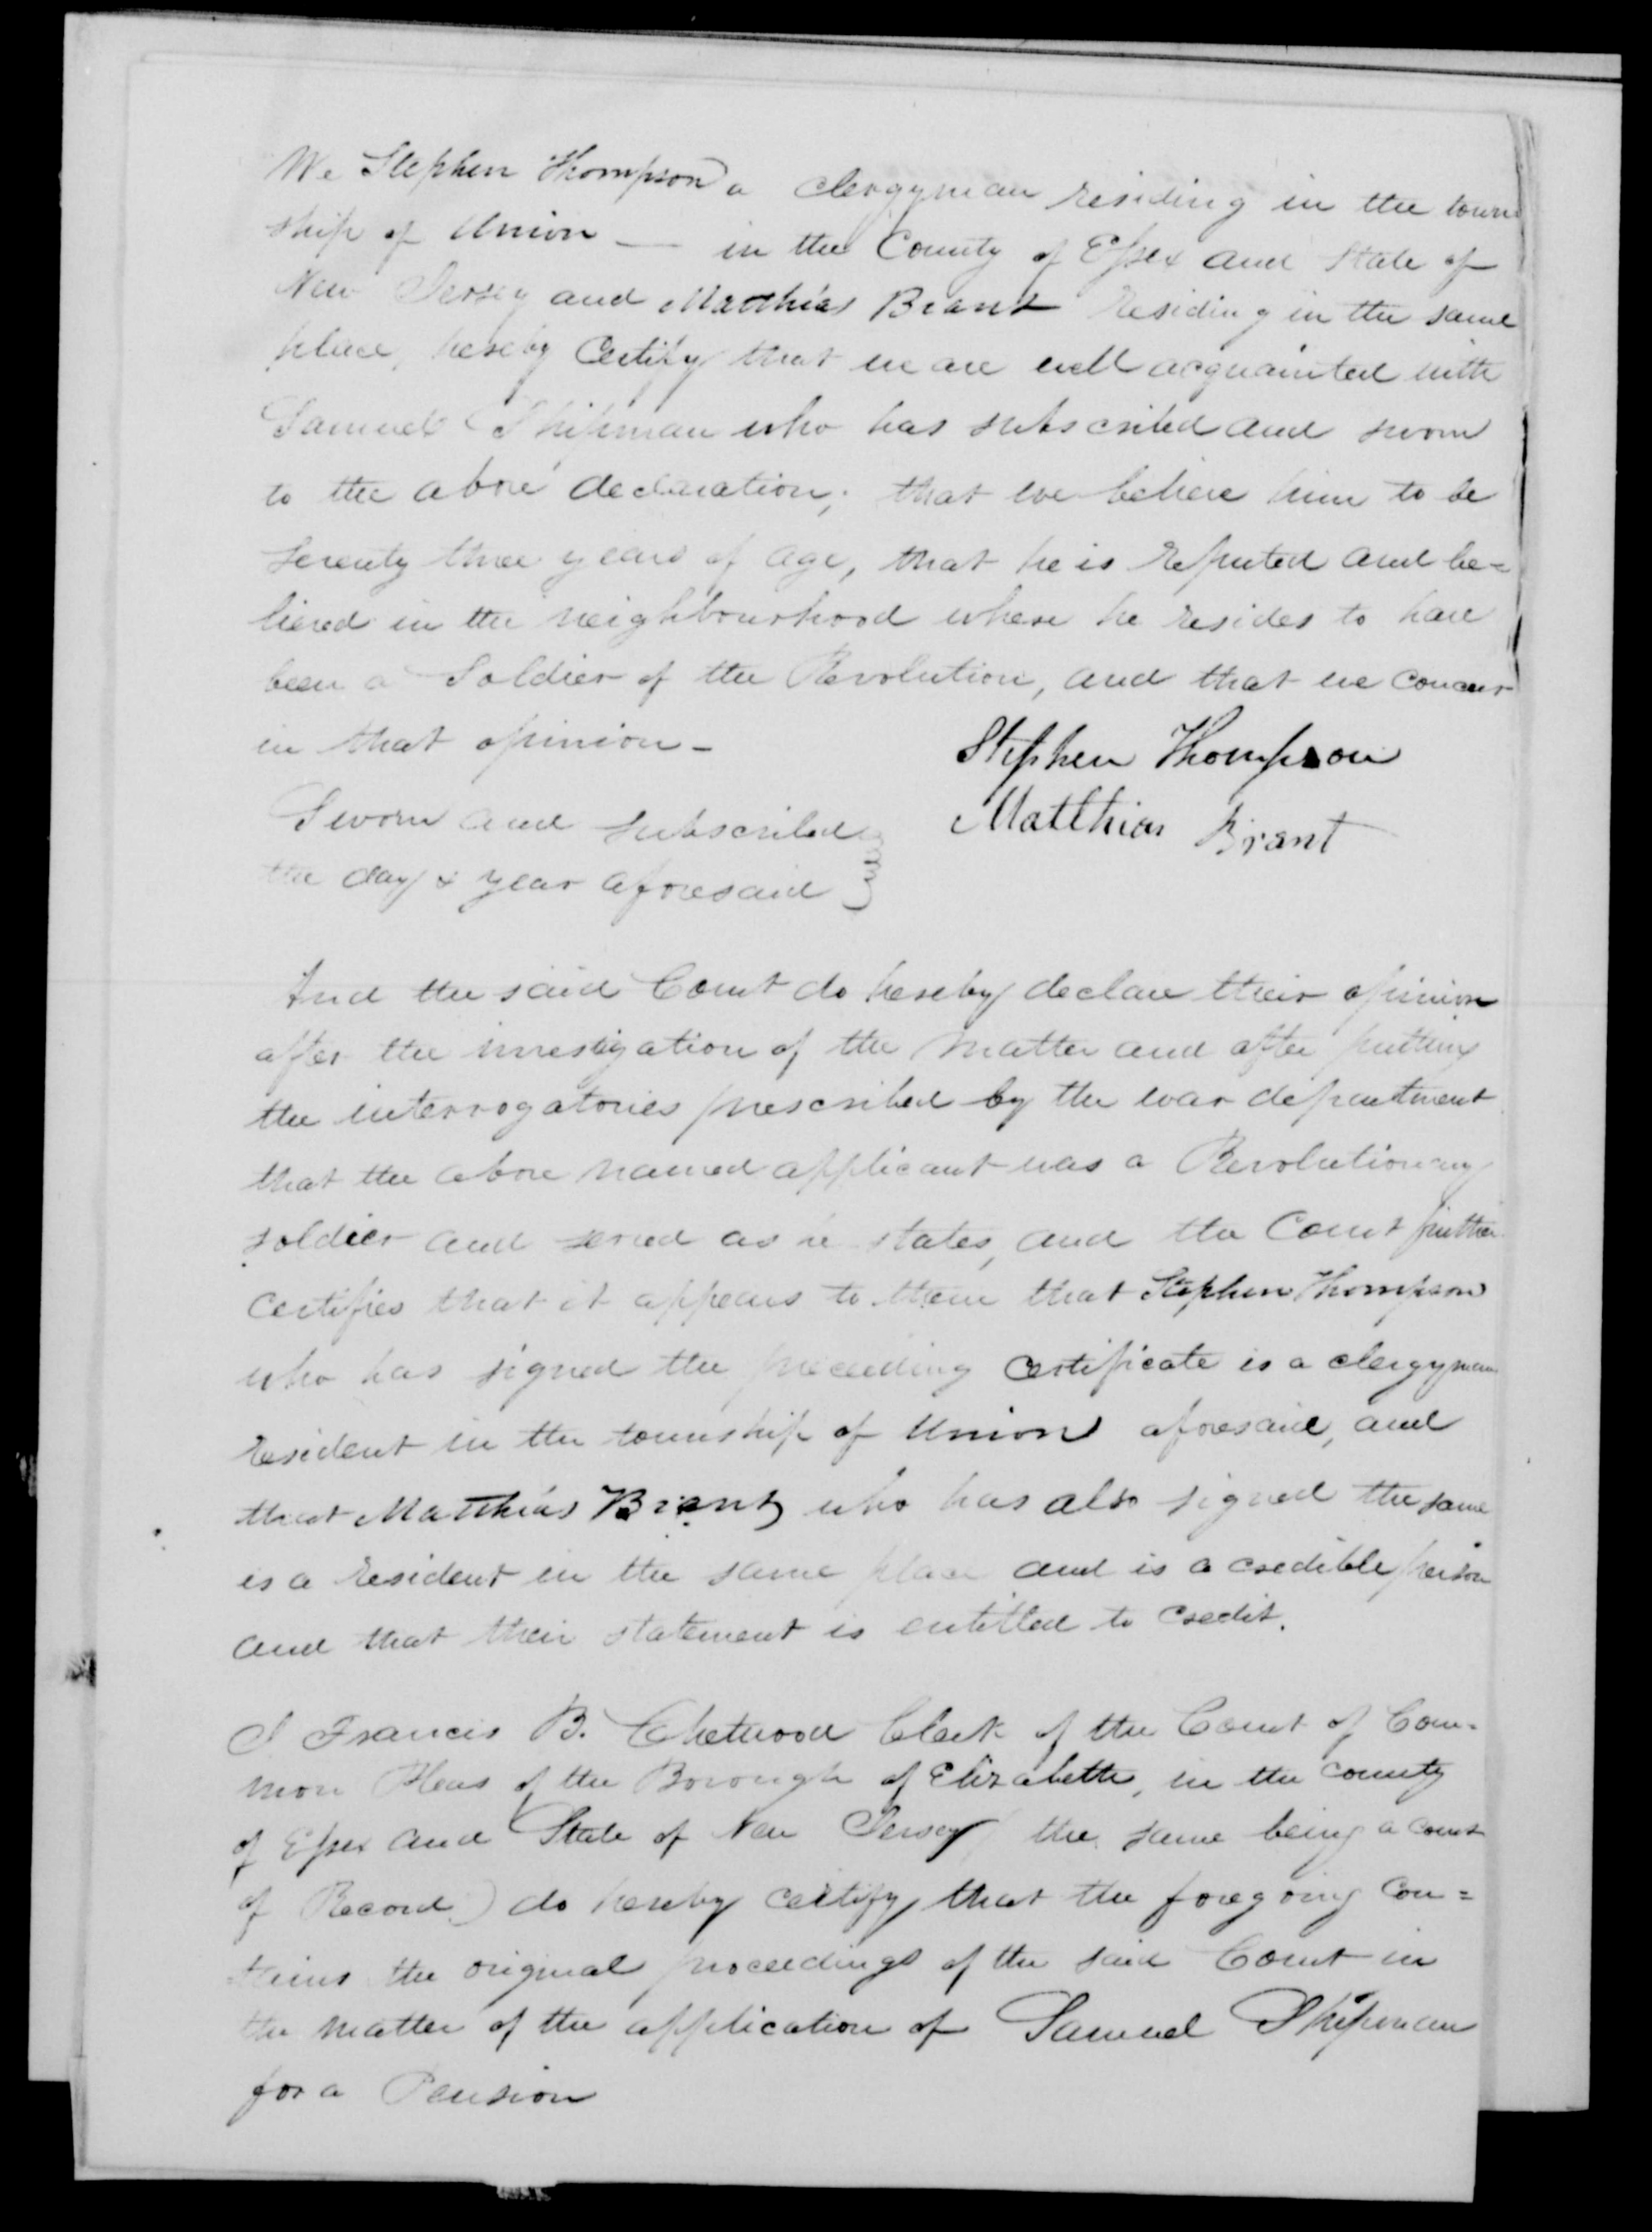Mr. Stephen Thompson a clergyman residing in the township of Union -- in the County of Essex and State of New Jersey and Matthias Brant residing in the same place, hereby certify that we are well acquainted with Samuel Shipman who has subscribed and sworn to the above declaration; that we believe him to be seventy three years of age, that he is reputed and believed in the neighborhood where he resides to have been a soldier of the Revolution, and that we concur in that opinion.  Stephen Thompson Matthias Brant
Sworn and subscribed the day + year aforesaid}
And the said Court do hereby declare their opinion after the investigation of the matter and after putting the interrogatories prescribed by the war department that the above named applicant was a Revolutionary soldier and served as he states, and the Court further certifies that it appears to them that Stephen Thompson who has signed the preceding certificate is a clergyman resident in the township of Union aforesaid, and that Matthias Brant who has also signed the same is a resident in the same place and is a credible person and that their statement is entitled to credit.
I Frances B. Chetwood Clerk of the Court of Common Pleas of the Borough of Elisabeth, in the county of Essex and State of New Jersey the same being a court of Record do hereby certify that the foregoing contains the original proceedings of the said Court in the matter of the application of Samuel Shipman for a pension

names: Stephen Thompson; Samuel Shipman; Matthias Brant; Francis B Chetwood; Matthias Brant; Stephen Thompson; Samuel Shipman; Matthias Brant; Stephen Thompson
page: 10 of 44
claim: survivor's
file: S. 912, for Samuel Shipman, New Jersey